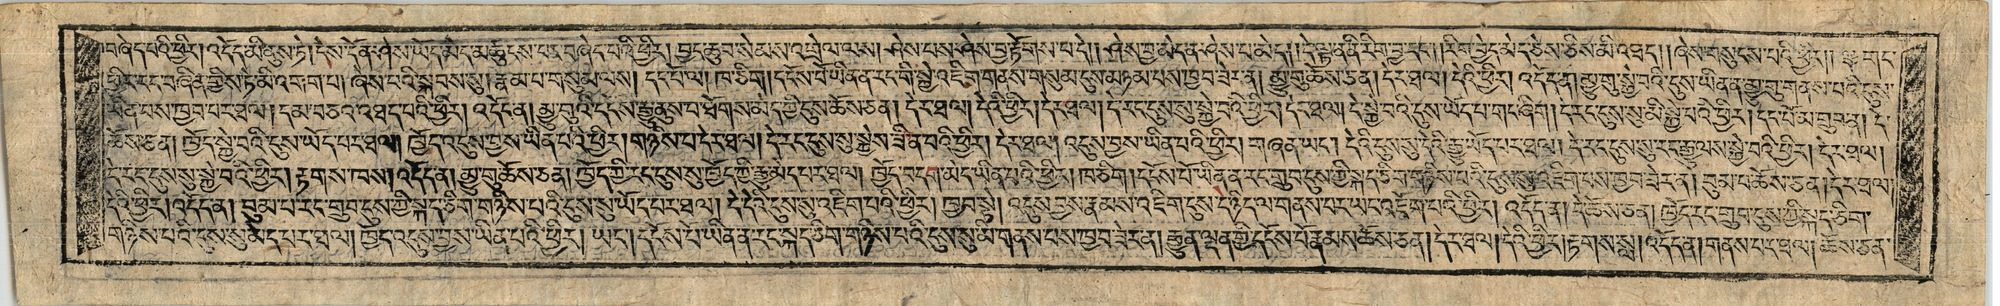བཞེད་པའི་ཕྱིར། འདོད་མི་ནུས་ཏེ། དེས་དོན་ཤེས་ཡོད་མེད་མཚུངས་པར་བཞེད་པའི་ཕྱིར། བྱང་ཆུབ་སེམས་འགྲེལ་ལས། ཤེས་པས་ཤེས་བྱ་རྟོགས་པ་དེ། །ཤེས་བྱ་མེད་ན་ཤེས་པ་མེད། །དེ་ལྟ་ན་ནི་རིག་བྱ་དང་། །རིག་བྱེད་མེད་ཅེས་ཅིས་མི་འཐད། །ཞེས་གསུངས་པའི་ཕྱིར།། ༈ གང་
ཕྱིར་རང་བཞིན་གྱིས་ཏེ་མི་འགག་པ། ཞེས་པའི་སྐབས་སུ། རྣམ་པ་གསུམ་ལས། དང་པོ་ལ། ཁ་ཅིག །དངོས་པོ་ཡིན་ན་རང་གི་སྐྱེ་འཇིག་གནས་གསུམ་དུས་མཉམ་པས་ཁྱབ་ཟེར་ན། མྱུ་གུ་ཆོས་ཅན། དེར་ཐལ། དེའི་ཕྱིར། འདོད་ན། མྱུ་གུ་སྐྱེ་བའི་དུས་ཡིན་ན་མྱུ་གུ་གནས་པའི་དུས་
ཡིན་པས་ཁྱབ་པར་ཐལ། དམ་བཅའ་འཐད་པའི་ཕྱིར། འདོད་ན། མྱུ་གུའི་དངོས་རྒྱུ་ནུས་པ་ཐོགས་མེད་ཀྱི་དུས་ཆོས་ཅན། དེར་ཐལ། དེའི་ཕྱིར། དེར་ཐལ། དེ་རང་དུས་སུ་སྐྱེ་བའི་ཕྱིར། དེར་ཐལ། དེ་སྐྱེ་བའི་དུས་ཡོད་པ་གང་ཞིག །དེ་རང་དུས་སུ་མི་སྐྱེ་བའི་ཕྱིར། དང་པོ་མ་གྲུབ་ན། དེ་
ཆོས་ཅན། ཁྱོད་སྐྱེ་བའི་དུས་ཡོད་པར་ཐལ། ཁྱོད་འདུས་བྱས་ཡིན་པའི་ཕྱིར། གཉིས་པ་དེར་ཐལ། དེ་རང་དུས་སུ་སྐྱེས་ཟིན་པའི་ཕྱིར། དེར་ཐལ། འདུས་བྱས་ཡིན་པའི་ཕྱིར། གཞན་ཡང་། དེའི་དུས་སུ་དེའི་རྒྱུ་ཡོད་པར་ཐལ། དེ་རང་དུས་སུ་རང་རྒྱུ་ལས་སྐྱེ་བའི་ཕྱིར། དེར་ཐལ།
དེ་རང་དུས་སུ་སྐྱེ་བའི་ཕྱིར། རྟགས་ཁས། འདོད་ན། མྱུ་གུ་ཆོས་ཅན། ཁྱོད་ཀྱི་རང་དུས་སུ་ཁྱོད་ཀྱི་རྒྱུ་མེད་པར་ཐལ། ཁྱོད་བདག་མེད་ཡིན་པའི་ཕྱིར། ཁ་ཅིག །དངོས་པོ་ཡིན་ན་རང་གྲུབ་དུས་ཀྱི་སྐད་ཅིག་གཉིས་པའི་དུས་སུ་འཇིག་པས་ཁྱབ་ཟེར་ན། བུམ་པ་ཆོས་ཅན། དེར་ཐལ་
དེའི་ཕྱིར། འདོད་ན། བུམ་པ་རང་གྲུབ་དུས་ཀྱི་སྐད་ཅིག་གཉིས་པའི་དུས་སུ་ཡོད་པར་ཐལ། དེ་དེའི་དུས་སུ་འཇིག་པའི་ཕྱིར། ཁྱབ་སྟེ། འདུས་བྱས་རྣམས་འཇིག་དུས་དེ་ཉིད་ལ་གནས་པར་ཡང་འཇོག་པའི་ཕྱིར། འདོད་ན། དེ་ཆོས་ཅན། ཁྱོད་རང་གྲུབ་དུས་ཀྱི་སྐད་ཅིག་
གཉིས་པའི་དུས་སུ་མེད་པར་ཐལ། ཁྱོད་འདུས་བྱས་ཡིན་པའི་ཕྱིར། ཡང་། དངོས་པོ་ཡིན་ན་རང་སྐད་ཅིག་གཉིས་པའི་དུས་སུ་མི་གནས་པས་ཁྱབ་ཟེར་ན། རྒྱུན་ལྡན་གྱི་དངོས་པོ་རྣམས་ཆོས་ཅན། དེར་ཐལ། དེའི་ཕྱིར། རྟགས་སླ། འདོད་ན། གནས་པར་ཐལ། ཆོས་ཅན་